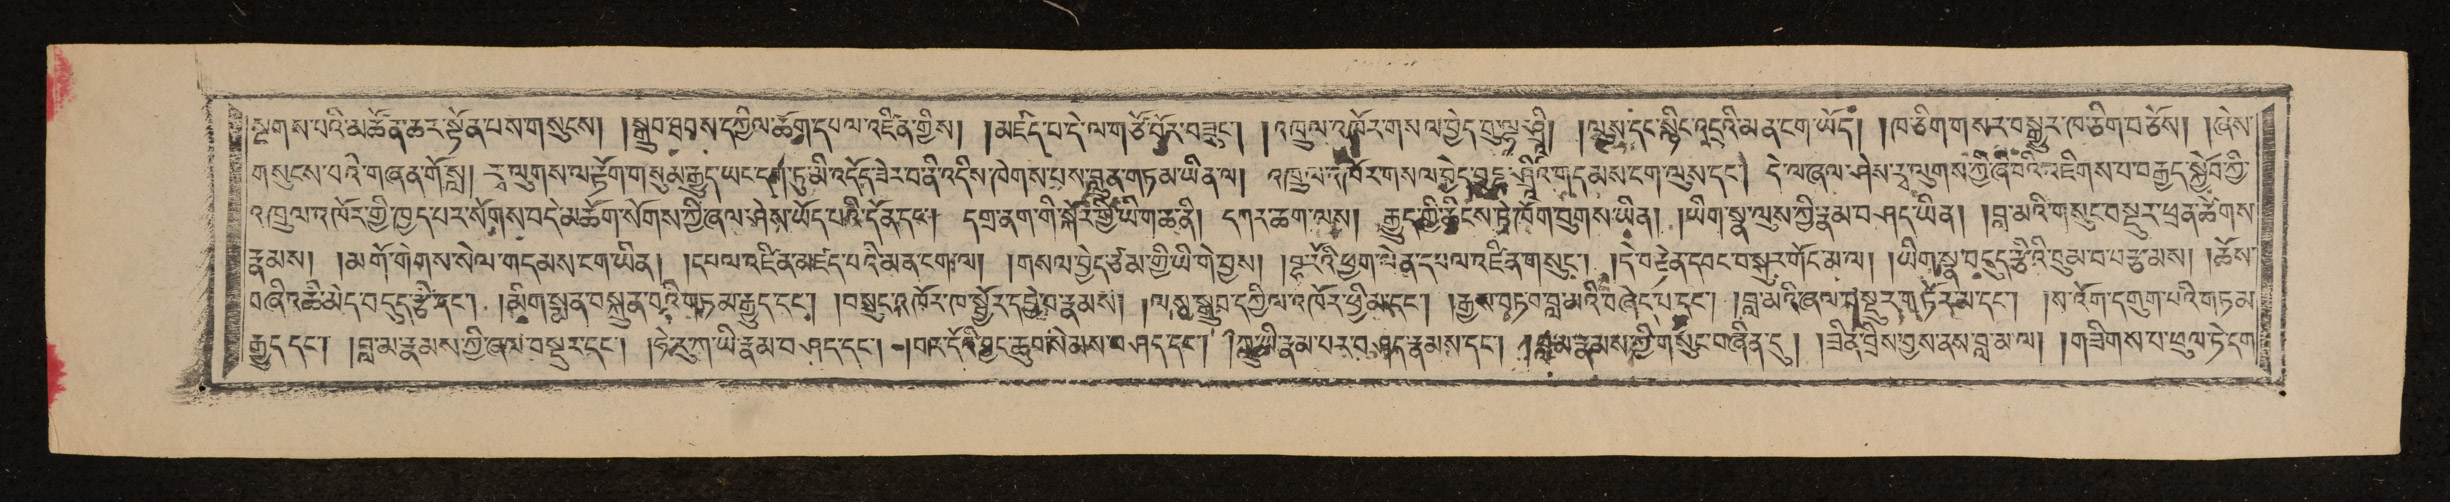སྔགས་པའི་མཚོན་ཆར་སྟོན་པས་གསུངས། །སྒྲུབ་ཐབས་དཀྱིལ་ཆོག་དཔལ་འཛིན་གྱིས། །མཛད་པ་དེ་ལ་གཙོ་བོར་བཟུང་། །འཁྲུལ་འཁོར་གསལ་བྱེད་བུ་དྷ་ཤྲཱི། །ལུས་དང་སྙིང་འདྲའི་མན་ངག་ཡོད། །ཁ་ཅིག་གསར་བསྒྱུར་ཁ་ཅིག་བཅོས། །ཞེས་
གསུངས་པའི་གཞན་གོ་སླ། རྭ་ལུགས་ལ་རྟོག་གསུམ་རྒྱུད་ཡང་དག་ཏུ་མི་འདོད་ཟེར་བ་ནི་འདིས་ཁེགས་བས་བླུན་གཏམ་ཡིན་ལ། འཁྲུལ་འཁོར་གསལ་བྱེད་བུདྷ་ཤྲཱིའི་གདམས་ངག་ལུས་དང་། དེ་ལ་ཞལ་ཤེས་རྭ་ལུགས་ཀྱི་ཞི་བའི་འཇིགས་པ་བརྒྱད་སྐྱོབ་ཀྱི་
འཁྲུལ་འཁོར་གྱི་ཁྱད་པར་སོགས་བདེ་མཆོག་སོགས་ཀྱི་ཞལ་ཤེས་ཡོད་པའི་དོན་དང་། དགྲ་ནག་གི་སྐོར་གྱི་ཡིག་ཆ་ནི། དཀར་ཆག་ལས། རྒྱུད་གྱི་ཆིངས་ཏེ་ཁོག་བུགས་ཡིན། །ཡིག་སྣ་ལུས་ཀྱི་རྣམ་བཤད་ཡིན། །བླ་མའི་གསུང་བསྡུར་ཕྲན་ཚེགས་
རྣམས། །མགོ་གེགས་སེལ་གདམས་ངག་ཡིན། །དཔལ་འཛིན་མཛད་པའི་མན་ངག་ལ། །གསལ་བྱེད་ཙམ་གྱི་ཡི་གེ་བྱས། །བྷ་རོའི་ཕྱག་ལེན་དཔལ་འཛིན་གསུང་། །དེ་བརྟེན་དབང་བསྐུར་གོང་མ་ལ། །ཡིག་སྣ་བདུད་རྩིའི་བུམ་པ་བརྩམས། །ཆོས་
བཞི་འཆི་མེད་བདུད་རྩི་དང་། །མིག་སྨན་བསྐྲུན་པའི་གཏམ་རྒྱུད་དང་། །བསྲུང་འཁོར་ཁ་སྦྱོར་དབྱེ་བ་རྣམས། །ལས་སྒྲུབ་དཀྱིལ་འཁོར་ཕྱི་མ་དང་། །རྒྱས་བཏབ་བླ་མའི་བཞེད་པ་དང་། །བླ་མའི་ཞལ་བསྡུར་གཏོར་མ་དང་། །ས་འོག་དགུག་པའི་གཏམ་
རྒྱུད་དང་། །བླ་མ་རྣམས་ཀྱི་ཞལ་བསྡུར་དང་། །ཧེ་རུ་ཀ་ཡི་རྣམ་བཤད་དང་། །བར་དོའི་བྱང་ཆུབ་སེམས་བཤད་དང་། །ཀླུ་ཡི་རྣམ་པར་བཤད་རྣམས་དང་། །བླ་མ་རྣམས་ཀྱི་གསུང་བཞིན་དུ། །ཟིན་བྲིས་བྱས་ནས་བླ་མ་ལ། །གཟིགས་པ་ཕུལ་ཏེ་དག་